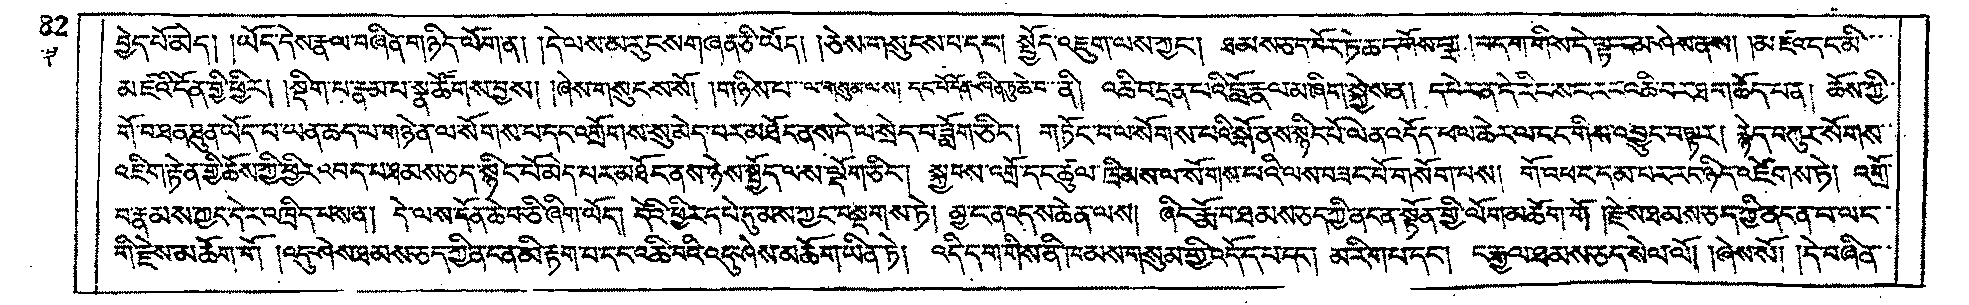བྱེད་པོ་མེད། །ཡོད་དེས་རྣལ་བཞིན་གཉིད་ལོག་ན། །དེ་ལས་མ་རུངས་གཞན་ཅི་ཡོད། །ཅེས་གསུངས་པ་དང་། སྤྱོད་འཇུག་ལས་ཀྱང་། ཐམས་ཅད་བོར་ཏེ་ཆ་དགོས་པར། །བདག་གིས་དེ་ལྟར་མ་ཤེས་ནས། །མཛའ་དང་མི་
མཛའི་དོན་གྱི་ཕྱིར། །སྡིག་པ་རྣམ་པ་སྣ་ཚོགས་བྱས། །ཞེས་གསུངས་སོ། །གཉིས་པ་ལ་གསུམ་ལས། དང་པོ་དོན་ཤིན་ཏུ་ཆེ་བ་ནི། འཆི་བ་དྲན་པའི་བློ་རྣལ་མ་ཞིག་སྐྱེས་ན། དཔེར་ན་དེ་རིང་སང་རང་འཆི་བར་ཐག་ཆོད་པ་ན། ཆོས་ཀྱི་
གོ་བ་ཐན་ཐུན་ཡོད་པ་ཡན་ཆད་ལ་གཉེན་ལ་སོགས་པ་དང་འགྲོགས་སུ་མེད་པར་མཐོང་ནས་དེ་ལ་སྲེད་པ་ཟློག་ཅིང་། གཏོང་བ་ལ་སོགས་པའི་སྒོ་ནས་སྙིང་པོ་ལེན་འདོད་ཕལ་ཆེར་ལ་ངང་གིས་འབྱུང་བ་ལྟར། རྙེད་བཀུར་སོགས་
འཇིག་རྟེན་གྱི་ཆོས་ཀྱི་ཕྱིར་འབད་པ་ཐམས་ཅད་སྙིང་པོ་མེད་པར་མཐོང་ནས་ཉེས་སྤྱོད་ལས་ལྡོག་ཅིང་། སྐྱབས་འགྲོ་དང་ཚུལ་ཁྲིམས་ལ་སོགས་པའི་ལས་བཟང་པོ་གསོག་པས། གོ་འཕང་དམ་པར་རང་ཉིད་འཛེགས་ཏེ། འགྲོ་
བ་རྣམས་ཀྱང་དེར་འཁྲིད་པས་ན། དེ་ལས་དོན་ཆེ་བ་ཅི་ཞིག་ཡོད། དེའི་ཕྱིར་དཔེ་དུ་མས་ཀྱང་བསྔགས་ཏེ། མྱ་ངན་འདས་ཆེན་ལས། ཞིང་རྨོ་བ་ཐམས་ཅད་ཀྱི་ནང་ན་སྟོན་གྱི་ལོག་མཆོག་གོ །རྗེས་ཐམས་ཅད་ཀྱི་ནང་ན་བ་ལང་
གི་རྗེས་མཆོག་གོ །འདུ་ཤེས་ཐམས་ཅད་ཀྱི་ནང་ན་མི་རྟག་པ་དང་འཆི་བའི་འདུ་ཤེས་མཆོག་ཡིན་ཏེ། འདི་དག་གིས་ནི་ཁམས་གསུམ་གྱི་འདོད་པ་དང་། མ་རིག་པ་དང་། ང་རྒྱལ་ཐམས་ཅད་སེལ་ལོ། །ཞེས་སོ། །དེ་བཞིན་